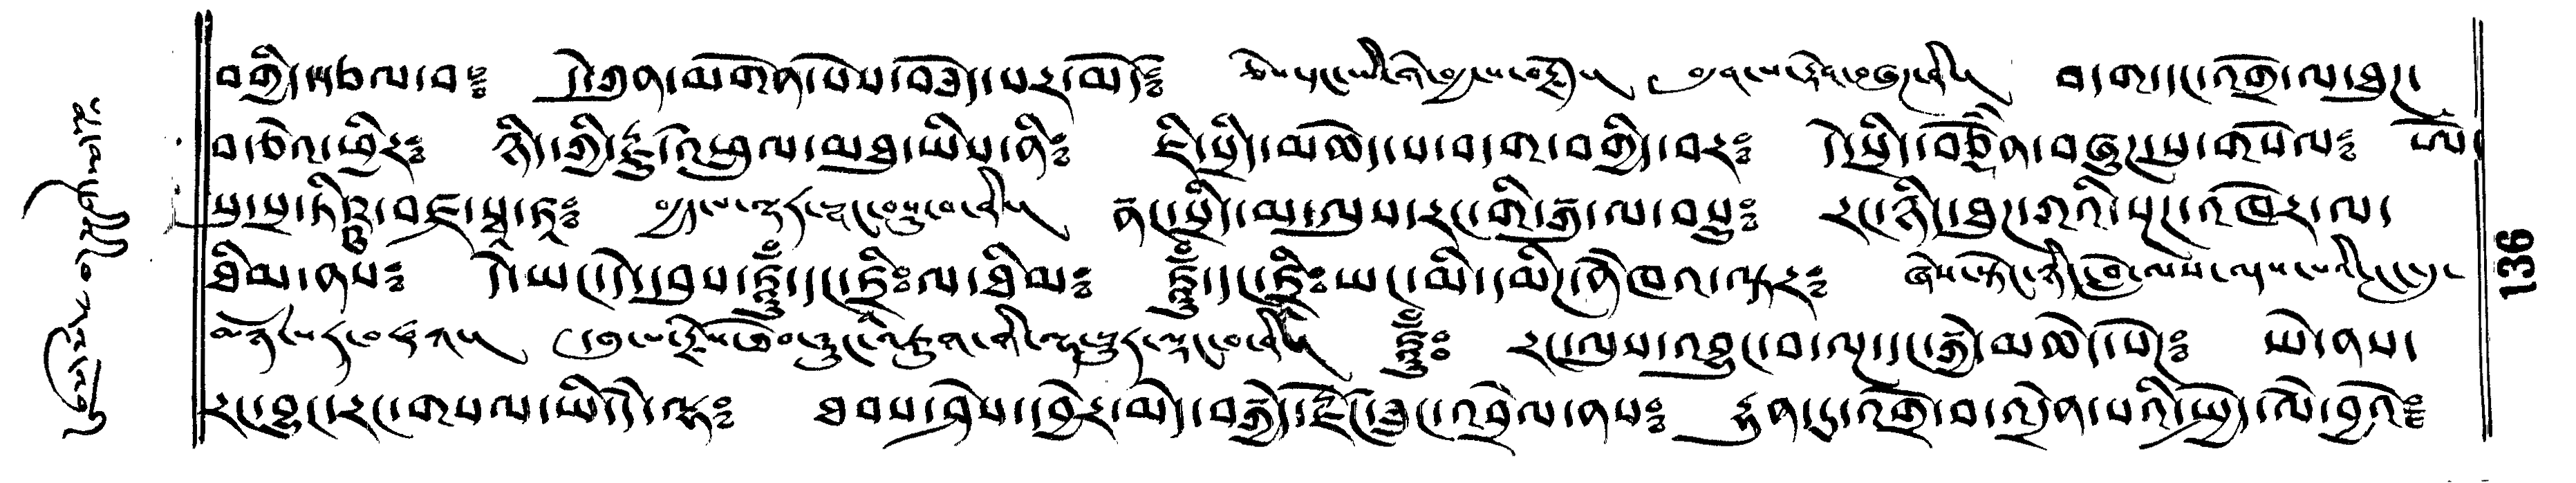བགྱིད་སྩལ་བ། །དེ་ཀུན་མགོན་པོས་བཟོད་པར་མཛོད། ཅེས་དང་ཡི་གེ་བརྒྱབ་བརྗོད། བདུན་པ་རྟེན་བཞུགས་ནི། བདག་དང་འགྲོ་ལ་ཐུགས་
བརྩེའི་ཕྱིར། །ཉིད་ཀྱྀ་རྫུ་འཕྲུལ་མཐུ་ཡིས་ནི། །ཇི་སྲིད་མཆོད་པ་བདག་བགྱིད་བར། །དེ་སྲིད་བཅོམ་ལྡན་བཞུགས་སུ་གསོལ། ཨོཾ་
སུ་པྲ་ཏིཥྛ་བཛྲ་སྭ་ཧཱ༔ བརྒྱད་པ་ལྷར་སྣང་བསྡུ་བ་ནི། སྣང་སྲིད་མ་ལུས་རང་གི་སྐུ་ལ་བསྡུ༔ རང་ཉིད་ཐུགས་ཀའི་སྔགས་འཁོར་ལ་
ཐིམ་ནས༔ དེ་ཡང་དེ་དབུས་ཧཱུྃ་དང་ཧྲཱིཿལ་ཐིམ༔ ཧཱུྃ་དང་ཧྲཱིཿཡང་མི་དམིགས་ནམ་མཁའ་ལྟར༔ ཞེས་སྟོང་ཉིད་བློ་ལས་འདས་པའི་ངང་དུ་
མཉམ་པར་བཞགདགུ་པ་རྗེས་ཐོབ་ཟུང་འཇུག་གི་ལྷ་སྐུར་ལྡང་བ་ནི། ཧཱུྃ༔ རང་ལུས་འབྱུང་བ་ལྔ་དང་སྐྱེ་མཆེད་སོགས༔ ཡེ་ནས་
རང་བྱུང་རང་གསལ་ཡི་དམ་ལྷ༔ ཐབས་ཤེས་དབྱེར་མེད་བསྐྱེད་རྫོགས་ཟུང་འབྲེལ་ནས༔ རྒྱུན་དུ་འགྲོ་བ་འདྲེན་པའི་སྤྱོད་ལམ་བྱའོ༔